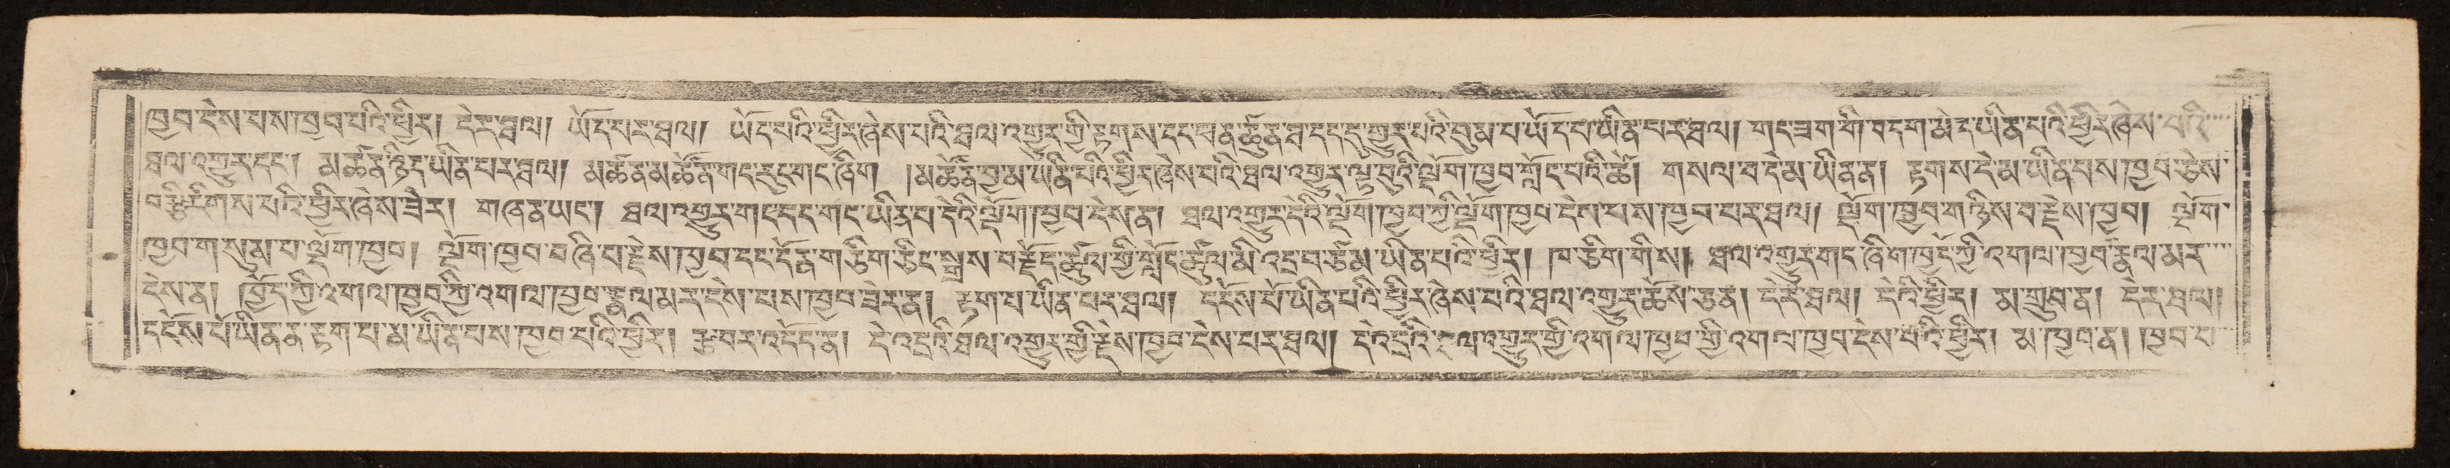ཁྱབ་ངེས་པས་ཁྱབ་པའི་ཕྱིར། དེར་ཐལ། ཡོད་པར་ཐལ། ཡོད་པའི་ཕྱིར་ཞེས་པའི་ཐལ་འགྱུར་གྱི་རྟགས་དང་ཕན་ཚུན་ཐ་དད་དུ་གྱུར་པའི་བུམ་པ་ཡོད་པ་ཡིན་པར་ཐལ། གང་ཟག་གི་བདག་མེད་ཡིན་པའི་ཕྱིར་ཞེས་པའི་
ཐལ་འགྱུར་དང་། མཚན་ཉིད་ཡིན་པར་ཐལ། མཚན་མཚོན་གང་རུང་གང་ཞིག །མཚོན་བྱ་མ་ཡིན་པའི་ཕྱིར་ཞེས་པའི་ཐལ་འགྱུར་ལྟ་བུའི་ལྡོག་ཁྱབ་གློང་བའི་ཚེ། གསལ་བ་དེ་མ་ཡིན་ན། རྟགས་དེ་མ་ཡིན་པས་ཁྱབ་ཅེས་
བརྩི་རིགས་པའི་ཕྱིར་ཞེས་ཟེར། གཞན་ཡང་། ཐལ་འགྱུར་གང་དང་གང་ཡིན་པ་དེའི་ལྡོག་ཁྱབ་ངེས་ན། ཐལ་འགྱུར་དེའི་ལྡོག་ཁྱབ་ཀྱི་ལྡོག་ཁྱབ་ངེས་པས་ཁྱབ་པར་ཐལ། ལྡོག་ཁྱབ་གཉིས་པ་རྗེས་ཁྱབ། ལྡོག་
ཁྱབ་གསུམ་པ་ལྡོག་ཁྱབ། ལྡོག་ཁྱབ་བཞི་པ་རྗེས་ཁྱབ་དང་དོན་གཅིག་ཅིང་སྒྲས་བརྗོད་ཚུལ་གྱི་གློང་ཚུལ་མི་འདྲ་བ་ཙམ་ཡིན་པའི་ཕྱིར། ཁ་ཅིག་གིས། ཐལ་འགྱུར་གང་ཞིག་ཁྱོད་ཀྱི་འགལ་ཁྱབ་རྣལ་མར་
ངེས་ན། ཁྱོད་ཀྱི་འགལ་ཁྱབ་ཀྱི་འགལ་ཁྱབ་རྣལ་མར་ངེས་པས་ཁྱབ་ཟེར་ན། རྟག་པ་ཡིན་པར་ཐལ། དངོས་པོ་ཡིན་པའི་ཕྱིར་ཞེས་པའི་ཐལ་འགྱུར་ཆོས་ཅན། དེར་ཐལ། དེའི་ཕྱིར། མ་གྲུབ་ན། དེར་ཐལ།
དངོས་པོ་ཡིན་ན་རྟག་པ་མ་ཡིན་པས་ཁྱབ་པའི་ཕྱིར། རྩ་བར་འདོད་ན། དེ་འདྲའི་ཐལ་འགྱུར་གྱི་རྗེས་ཁྱབ་ངེས་པར་ཐལ། དེ་འདྲའི་ཐལ་འགྱུར་གྱི་འགལ་ཁྱབ་ཀྱི་འགལ་ཁྱབ་ངེས་པའི་ཕྱིར། མ་ཁྱབ་ན། ཁྱབ་པ་